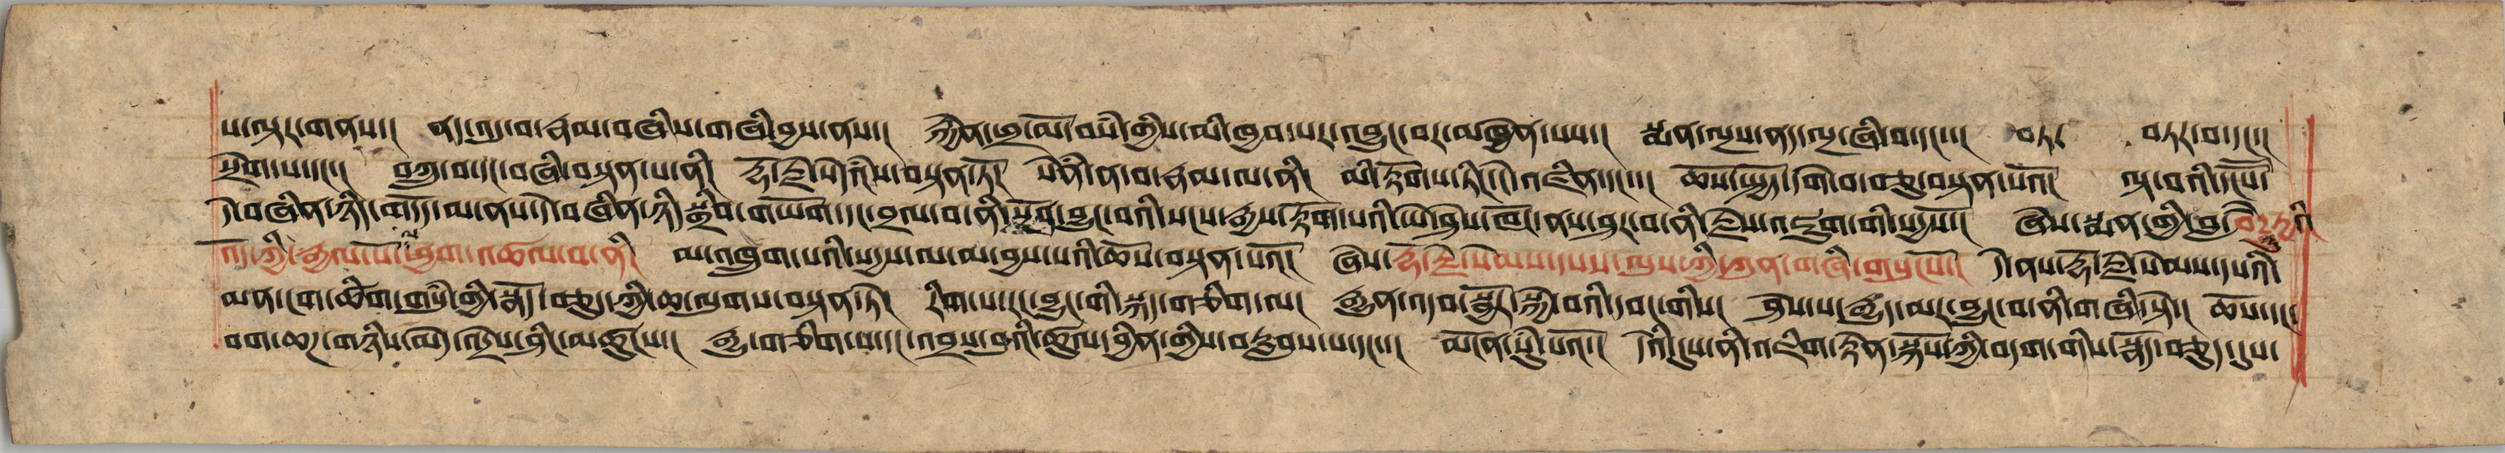པ་ལྟར་གནས་། ནད་འདུ་བ་རྣམ་བཞིས་གཞི་བྱས་ནས་། རྐྱེན་ཕྲ་མོ་བསཾ་གྱིས་མི་ཁྱབ་པར་འབྱུང་བར་མཁྱེན་པས་། སྨན་ལྔས་ནད་ལྔ་ཞི་བ་དང་་། བཏང བཏར་བ་དང་།
སྲེག་པ་དང་། བཀྲུ་བ་དང་བཞི་བསྟན་པ་ནི། རྡོ་རྗེ་སེཾདའས་བསྟན་ཏོ། སེནཾ་ན་བ་རྣམ་ལ་ནི། མི་རྟོགས་ཏིང་ངེ་འཛིན་དང་་། ཆོས་སྤྱོད་དགེ་བ་བཅུ་བསྟན་པའོ། ལྟ་བའི་དངཽས་
དེ་བཞིན་ཉིད་གོདད་མ་ནས་དེ་བཞིན་ཉིད་སྒྲིབ་གཡོག་དང་བྲལ་བ་ནི་སྔོན་བྱུང་བའི་སངས་རྒྱས་རྟོག་པའི་ཡེ་ཤེས་ཁོང་ནས་ཤར་བ་ནི་རྗེས་འཇུག་གི་སདྱསོ་། ཞེས་སྨན་གྱི་བླ་བཻཌཱུརྱ་
འོད་ཀྱི་རྒྱལ་པོ་ལ་ཕྱག་འཚལ་བ་ནི། མ་འཁྲུག་པའི་སདྱས་ལ་མ་བྱས་པའི་ཆོས་བསྟན་པའོ། ཞེས་རྡོ་རྗེ་སེམས་དཔས་ལུས་ཀྱི་ཀུན་གཞི་གསུངསོ་། དེ་ནས་རྡོ་རྗེ་སེམས་དཔའི་
མན་ངག་ཚིག་གསུཾ་གྱི་སྣོད་བཅུད་ཀྱི་ཆ་ལུགས་བསྟན་ཏེ། རིག་པ་རང་བྱུང་གི་སྐད་གཅིག་མ། རྒྱུན་འདབ་སྦྱོར་སྐྱེ་བའི་དབང་གིས། ཤེས་པ་རྒྱུད་མར་བྱུང་བ་ནི་གཞི་སྟེ་། ཆོས་དང་
བག་ཆཌ་གཉིས་མེད་འདྲེས་ཤིང་མཚུངས་། རྒྱུ་གཅིག་པ་དང་འབྲས་བུའི་ཚུལ་བྱིན་གྱིས་བརླབས་པ་དང་་། མངོན་སུཾ་པའོ་། དེའི་དུས་ནི་འཇིག་རྟེན་སྐོས་ཀྱི་བདག་གིས་སྣོད་བཅུད་དུས་